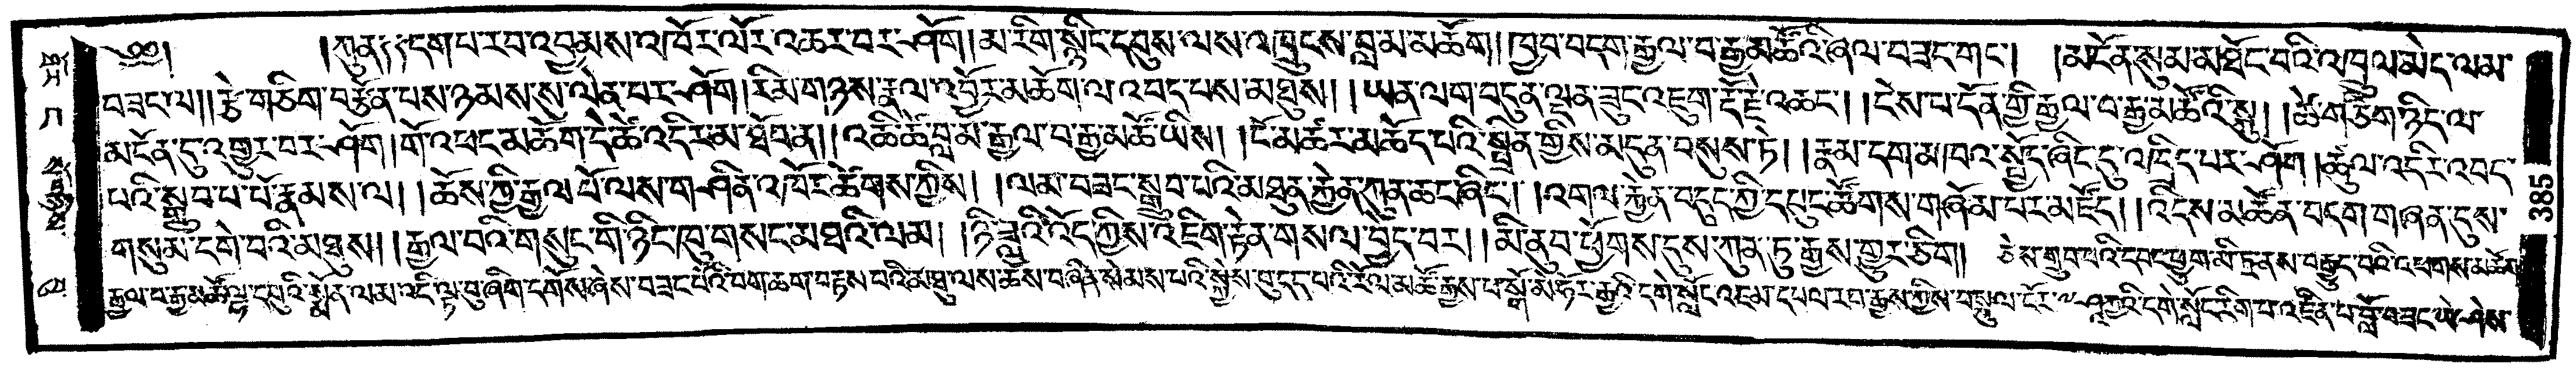༄༅། །ཀུན། །དག་པ་རབ་འབྱམས་འཁོར་ལོར་འཆར་བར་ཤོག །མ་རིག་སྙིང་དབུས་ལས་འཁྲུངས་བླ་མ་མཆོག །ཁྱབ་བདག་རྒྱལ་བ་རྒྱ་མཚོའི་ཞལ་བཟང་གང་། །མངོན་སུམ་མཐོང་བའི་འཁྲུལ་མེད་ལམ་
བཟང་ལ། །རྩེ་གཅིག་བརྩོན་པས་ཉམས་སུ་ལེན་པར་ཤོག །རིམ་གཉིས་རྣལ་འབྱོར་མཆོག་ལ་འབད་པས་མཐུས། །ཡན་ལག་བདུན་ལྡན་ཟུང་འཇུག་རྡོ་རྗེ་འཆང་། །ངེས་པ་དོན་གྱི་རྒྱལ་བ་རྒྱ་མཚོའི་སྐུ། །ཚེ་གཅིག་ཉིད་ལ་
མངོན་དུ་འགྱུར་བར་ཤོག །གོ་འཕང་མཆོག་དེ་ཚེ་འདིར་མ་ཐོབ་ན། །འཆི་ཚེ་བླ་མ་རྒྱལ་བ་རྒྱ་མཚོ་ཡིས། །ངོ་མཚར་མཆོད་པའི་སྤྲིན་གྱིས་མདུན་བསུས་ཏེ། །རྣམ་དག་མཁའ་སྤྱོད་ཞིང་དུ་འཁྲིད་པར་ཤོག །ཚུལ་འདིར་འབད་
པའི་སྒྲུབ་པ་པོ་རྣམས་ལ། །ཆོས་ཀྱི་རྒྱལ་པོ་ལས་གཤིན་འཁོར་ཚེགས་ཀྱིས། །ལམ་བཟང་སྒྲུབ་པའི་མཐུན་རྐྱེན་ཀུན་ཆང་ཞིང་། །འགལ་རྐྱེན་བདུད་ཀྱི་དཔུང་ཚོགས་གཞོམ་པར་མཛོད། །འདིས་མཚོན་བདག་གཞན་དུས་
གསུམ་དགེ་བའི་མཐུས། །རྒྱལ་བའི་གསུང་གི་ཉིང་ཁུ་གསང་མཐའི་ལམ། །ཉི་ཟླའི་འོད་ཀྱིས་འཇིག་རྟེན་གསལ་བྱེད་བར། །མི་ནུབ་ཕྱོགས་དུས་ཀུན་ཏུ་རྒྱས་གྱུར་ཅིག །ཅེས་གྲུབ་པའི་དབང་ཕྱུག་མི་ཏྲ་ནས་བརྒྱུད་པའི་འཕགས་མཆོག་
རྒྱལ་བ་རྒྱ་མཚོ་ལྷ་དབུའི་སྨོན་ལམ་འདི་ལྟ་བུ་ཞིག་དགོས་ཞེས་བཟང་པོའི་བག་ཆག་བརྟས་པའི་མཐུ་ལས་ཆོས་བཞིན་སེམས་པའི་སྐྱེས་བུ་དད་པའི་རོལ་མཚོ་རྒྱས་པ་སྒོ་མེ་ཧོར་རྒྱའི་དགེ་སློང་འཇམ་དཔལ་རབ་རྒྱས་ཀྱིས་བསྐུལ་ངོར ༧ཤཱཀྱའི་དགེ་སློང་རིག་པ་འཛིན་པ་བློ་བཟང་ཡེ་ཤེས་